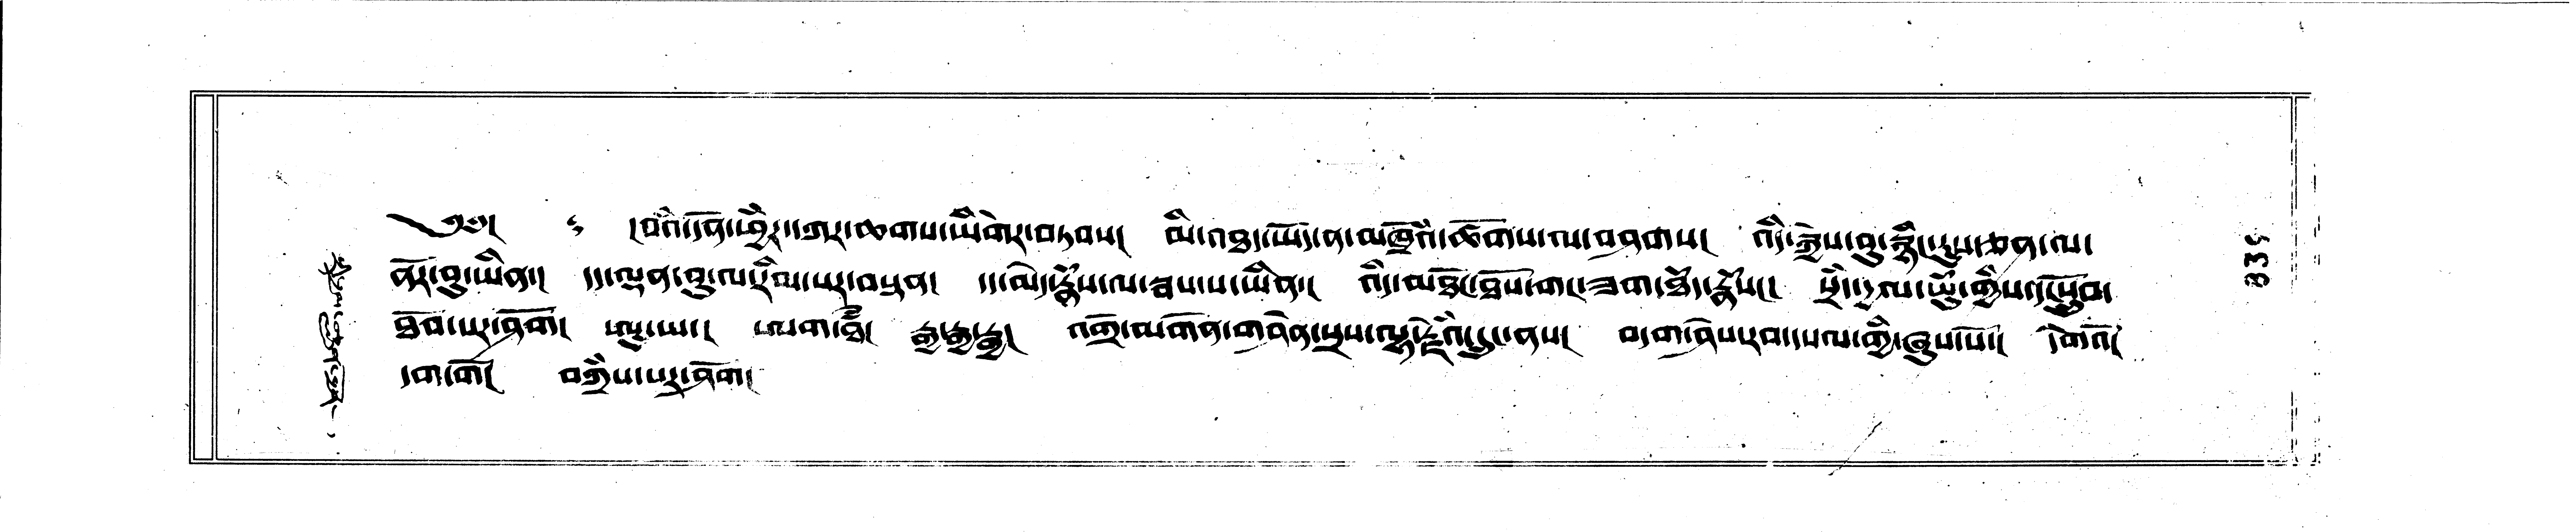བའི་དོན་ཕྱིར་དཀར་ཆག་ཡི་གེར་བཏབ། མི་འཐད་ཡོད་ན་མཁའ་འགྲོའི་ཚོགས་ལ་བཤགས། འདི་སྐྱེས་བུ་སྙིང་རུས་ཅན་ལ་
ནོར་བུ་ཡིན། དད་ལྡན་བུ་ལ་རིམ་པར་བསྟན། དད་མེད་རྣམས་ལ་སྦས་པ་ཡིན། འདི་མཐོང་ཐོས་གང་ཟག་ཐམས་ཅད་རྣམས། སྲིད་རྒྱལ་ཡུམ་གྱི་དངོས་གྲུབ་
ཐོབ་པར་ཤོག །།ཨུ་ཡ། ཨག་ཐམ། རྒྱ་རྒྱ་རྒྱ། འགྲོ་མགོན་གཤེན་སྲས་ལྷ་རྗེའི་དྲུང་ནས། བདག་ཤེས་རབ་དཔལ་གྱིས་ཞུས་སོ། །
དགེའོ། །བཀྲ་ཤིས་པར་ཤོག །། ༼ཤ༽